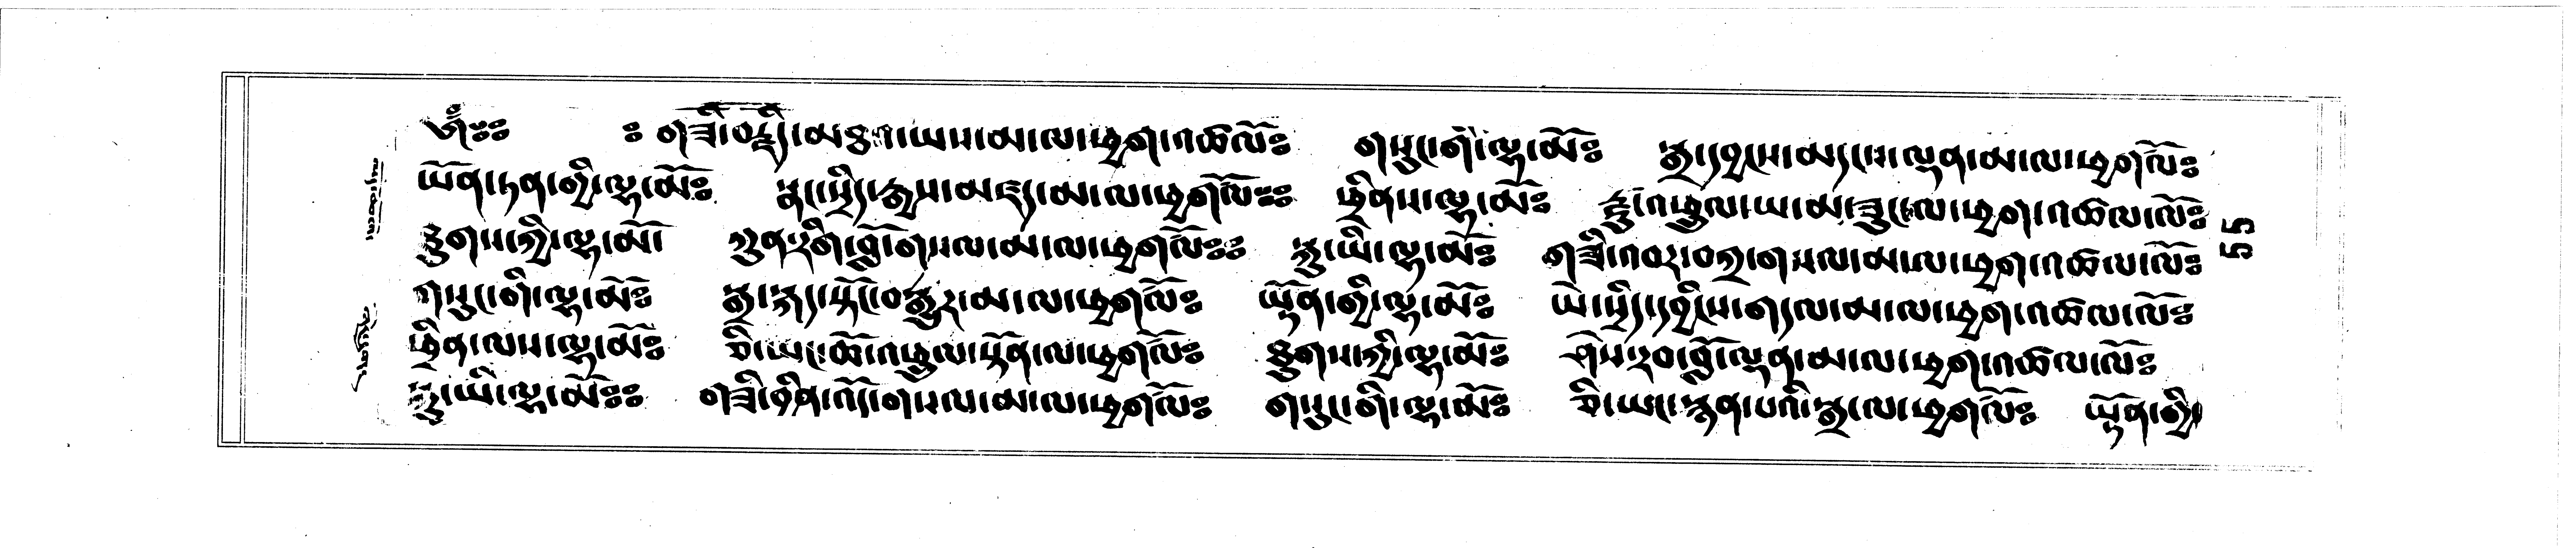གཟི་བརྗིད་མཐའ་ཡས་མ་ལ་ཕྱག་འཚལ་ལོཿ གསུང་གི་ལྷ་མོཿ སྒྲ་དབྱངས་མདངས་ལྡན་མ་ལ་ཕྱག་འཚལ་ལོཿ 
ཡོན་ཏན་གྱི་ལྷ་མོཿ སྣང་སྲིད་རྒྱས་མཛད་མ་ལ་ཕྱག་འཚལ་ལོཿ ཕྲིན་ལས་ཀྱི་ལྷ་མོཿ རྫུ་འཕྲུལ་ཡ་མ་ཟུང་ལ་ཕྱག་འཚལ་ལོཿ 
ཐུགས་ཀྱི་ལྷ་མོ་ཀུན་རིག་བློ་གསལ་མ་ལ་ཕྱག་འཚལ་ལོཿ སྐུ་ཡི་ལྷ་མོཿ གཟི་འབར་བཀྲ་གསལ་མ་ལ་ཕྱག་འཚལ་ལོཿ 
གསུང་གི་ལྷ་མོཿ སྒྲ་སྐད་སྟོང་སྒྱུར་མ་ལ་ཕྱག་འཚལ་ལོཿ ཡོན་ཏན་གྱི་ལྷ་མོཿ ཡེ་སྲིད་དབྱིངས་བདལ་མ་ལ་ཕྱག་འཚལ་ལོཿ 
ཕྲིན་ལས་ཀྱི་ལྷ་མོཿ ཅིར་ཡང་ཆོ་འཕྲུལ་སྟོན་ལ་ཕྱག་འཚལ་ལོཿ ཐུགས་ཀྱི་ལྷ་མོཿ ཤེས་རབ་བློ་ལྡན་མ་ལ་ཕྱག་འཚལ་ལོཿ 
སྐུ་ཡི་ལྷ་མོཿ གཟི་བྱིན་འོད་གསལ་མ་ལ་ཕྱག་འཚལ་ལོཿ གསུང་གི་ལྷ་མོཿ ཅི་ཡང་སྙན་པའི་སྒྲ་ལ་ཕྱག་འཚལ་ལོཿ ཡོན་ཏན་གྱི་